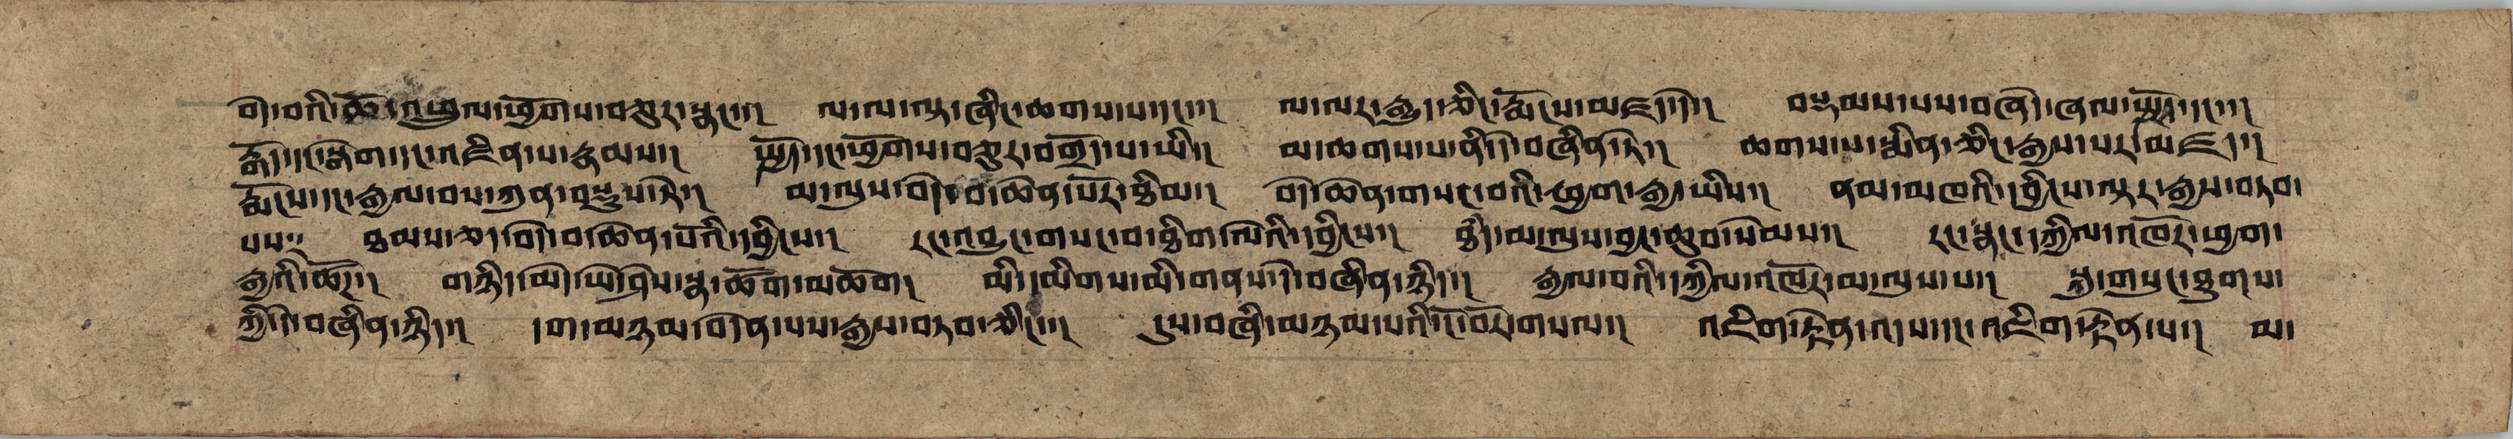བདེ་བའི་ཆོ་འཕྲུལ་ཕྱོགས་བཅུར་སྣང་་། ལ་ལ་ལྟ་ཞིང་ཆགས་པ་དང་་། ལ་ལར་རྒྱུད་ཅིང་རྨོངས་མཛད་དེ་། བསྡམས་པས་བཞེད་ཞལ་སྤྱོད་དང་་།
རྒོད་དང་སྒེག་དང་འཛིན་པ་རྣམས་། སྤྱོད་དང་ཕྱོགས་བཅུར་བགྲོད་པ་ཡི་། མ་ཆགས་པ་ནི་དེ་བཞིན་ཏེ་། ཆགས་པ་སྨིན་ཅིང་རྒྱས་པར་མཛད་།
རྨོངས་དང་རྒྱལ་བས་ཀུན་བསྡུས་ཏེ་། མ་ལུས་བདེ་བ་ཆེན་པོར་ཐིམ་། བདེ་ཆེན་གསང་བའི་ཕྱག་རྒྱ་ཡིས་། ནམ་མཁའི་དབྱིངས་ལྟར་རྒྱས་བཏབ་
པས༑ ཐམས་ཅད་བདེ་བ་ཆེན་པོའི་དབྱིངས་། རང་འབྱུང་གསང་བ་ཐིག་ལེའི་དབྱིངས་། ཐཾད་མ་ལུས་བྱང་ཆུབ་སེམས་། རང་སྣང་དཀྱིལ་འཁོར་ཕྱག་
རྒྱའི་ཚོཌ་། གཉིད་མེད་ཡེ་ཤེས་སྣ་ཚོགས་མཆོག། མི་དམིགས་མི་གནས་དེ་བཞིན་ཉིད་། རྒྱལ་བའི་དཀྱིལ་འཁོར་མ་ལུས་པ་། སྐུ་གསུང་ཐུགས་
ཀྱི་དེ་བཞིན་ཉིད་། དག་མཉམ་བདེན་པས་རྒྱས་བཏབ་ཅིང་་། དུས་བཞི་མཉམ་པའི་ངོ་བོར་གསལ་། འཇིག་རྟེན་འདས་དང་འཇིག་རྟེན་པ་། མ་